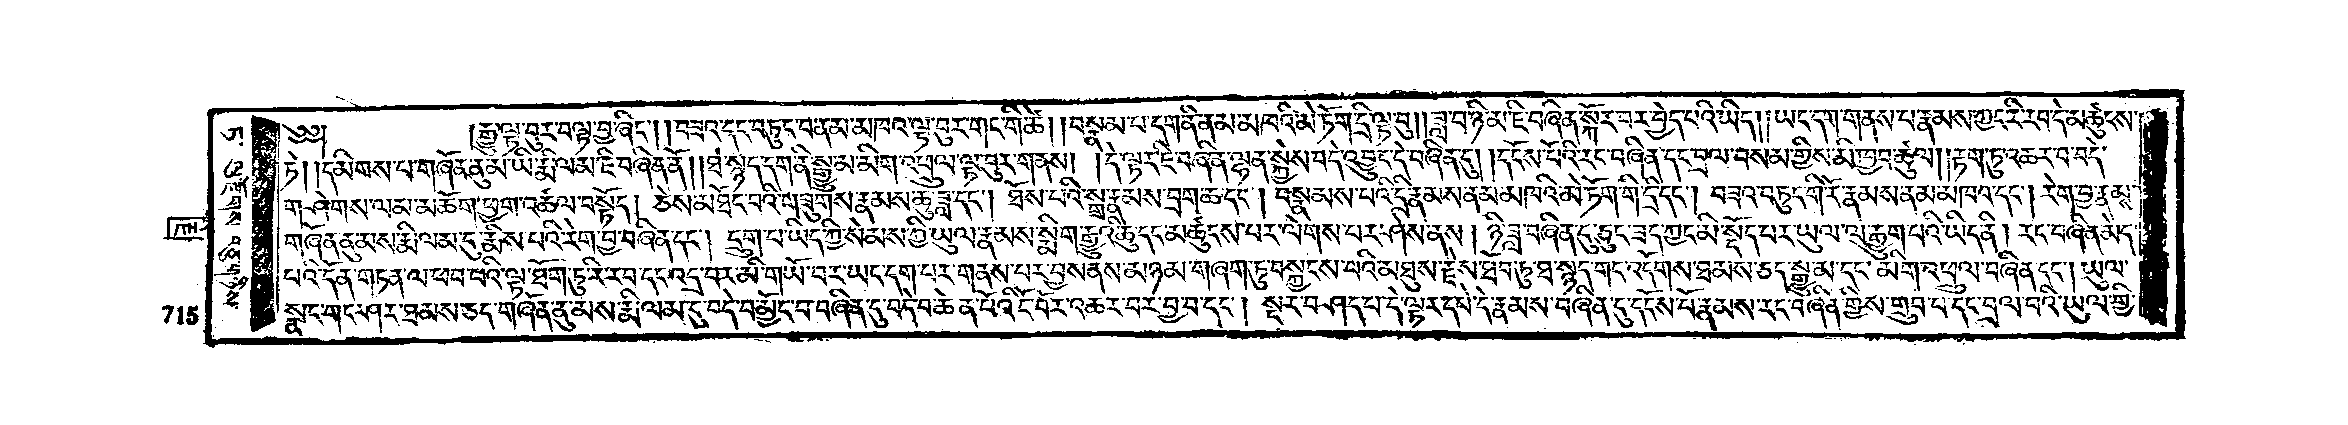༄༅། །རྒྱུ་ལྟ་བུར་བལྟ་བྱ་ཞིང་། །བཟའ་དང་བཏུང་བ་ནམ་མཁའ་ལྟ་བུར་གང་གི་ཚེ། །བསྣམ་པ་དག་ནི་ནམ་མཁའི་མེ་ཏོག་དྲི་ལྟ་བུ། །ཟླ་བ་ཉི་མ་ཇི་བཞིན་སྐོར་བར་བྱེད་པའི་ཡིད། །ཡང་དག་གནས་པ་རྣམས་ཀྱང་རི་རབ་དེ་མཚུངས་
ཏེ། །དམིགས་པ་གཞོན་ནུ་མ་ཡི་རྨི་ལམ་ཇི་བཞིན་ནོ། །ཐ་སྙད་དག་ནི་སྒྱུ་མ་མིག་འཕྲུལ་ལྟ་བུར་གནས། །དེ་ལྟར་ཇི་བཞིན་ལྷན་སྐྱེས་བདེ་འབྱུང་དེ་བཞིན་དུ། །དངོས་པོའི་རང་བཞིན་དང་བྲལ་བསམ་གྱིས་མི་ཁྱབ་ཚུལ། །རྟག་ཏུ་འཆར་བ་བདེ་
གཤེགས་ལམ་མཆོག་ཕྱག་འཚལ་བསྟོད། ཅེས་མཐོང་བའི་གཟུགས་རྣམས་ཆུ་ཟླ་དང་། ཐོས་པའི་སྒྲ་རྣམས་བྲག་ཆ་དང་། བསྣམས་པའི་དྲི་རྣམས་ནམ་མཁའི་མེ་ཏོག་གི་དྲི་དང་། བཟའ་བཏུང་གི་རོ་རྣམས་ནམ་མཁའ་དང་། རེག་བྱ་རྣམས་
གཞོན་ནུ་མས་རྨི་ལམ་དུ་རྨིས་པའི་རེག་བྱ་བཞིན་དང་། དྲུག་པ་ཡིད་ཀྱི་སེམས་ཀྱི་ཡུལ་རྣམས་སྨིག་རྒྱུའི་ཆུ་དང་མཚུངས་པར་ལེགས་པར་ཤེས་ནས། ཉི་ཟླ་བཞིན་དུ་ཅུང་ཟད་ཀྱང་མི་སྡོད་པར་ཡུལ་ལ་རྒྱུག་པའི་ཡིད་ནི། རང་བཞིན་མེད་
པའི་དོན་གཏན་ལ་ཕབ་པའི་ལྟ་ཐོག་ཏུ་རི་རབ་དང་འདྲ་བར་མི་གཡོ་བར་ཡང་དག་པར་གནས་པར་བྱས་ནས་མཉམ་གཞག་ཏུ་བསྐྱངས་བའི་མཐུས་རྗེས་ཐོབ་ཏུ་ཐ་སྙད་གང་འདོགས་ཐམས་ཅད་སྒྱུ་མ་དང་མིག་འཕྲུལ་བཞིན་དང་། ཡུལ་
སྣང་གང་ཤར་ཐམས་ཅད་གཞོན་ནུ་མས་རྨི་ལམ་དུ་བདེ་བ་མྱོང་བ་བཞིན་དུ་བདེ་བ་ཆེན་པོའི་ངོ་བོར་འཆར་བར་བྱ་བ་དང་། སྔར་བཤད་པ་དེ་ལྟར་དཔེ་དེ་རྣམས་བཞིན་དུ་དངོས་པོ་རྣམས་རང་བཞིན་གྱིས་གྲུབ་པ་དང་བྲལ་བའི་ཡུལ་གྱི་